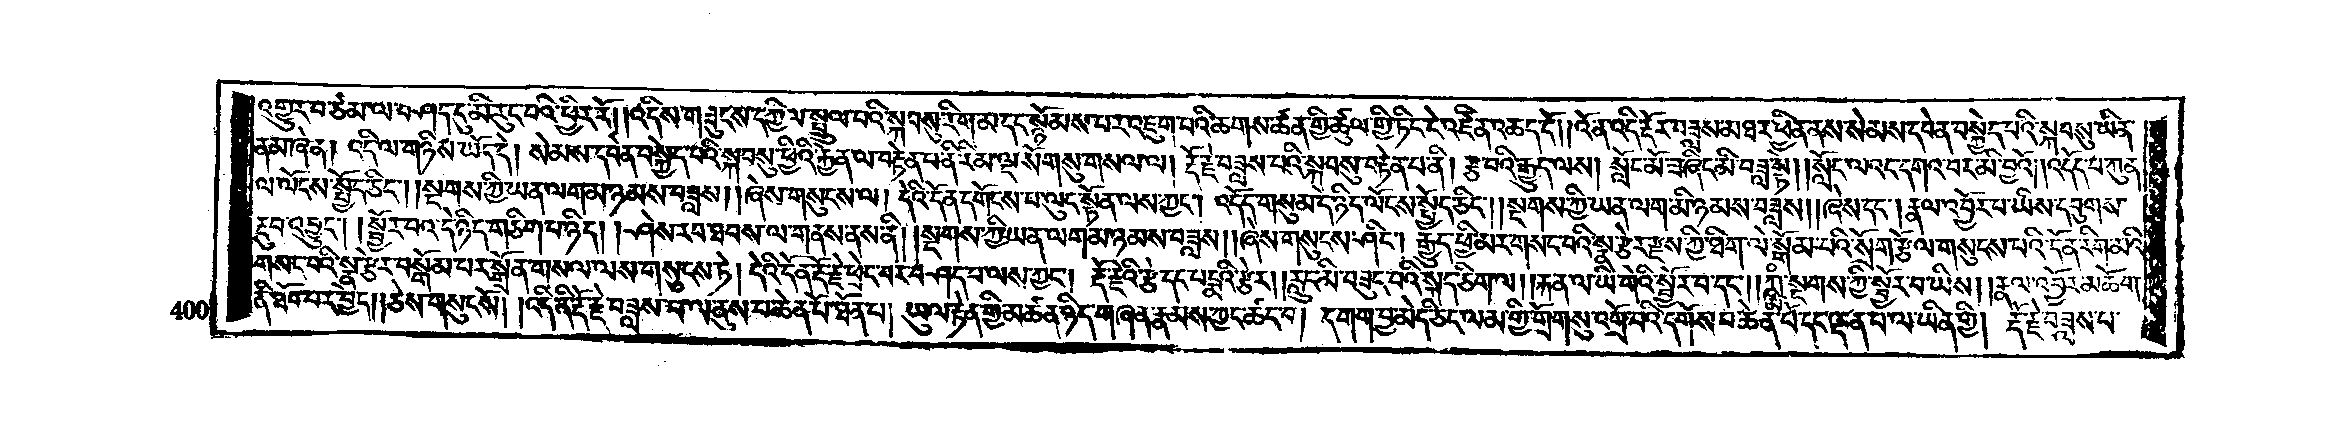འགྱུར་བ་ཙམ་ལ་བཤད་དུ་མི་རུང་པའི་ཕྱིར་རོ། །འདིས་གཟུངས་དཀྱིལ་སྤྲུལ་པའི་སྐབས་སུ་རིག་མ་དང་སྙོམས་པར་འཇུག་པའི་ཆགས་ཆེན་གྱི་ཚུལ་གྱི་ཏིང་ངེ་འཛིན་འཆད་དོ། །འོ་ན་འདི་རྡོར་བཟླས་མཐར་ཕྱིན་ནས་སེམས་དབེན་བསྐྱེད་པའི་སྐབས་སུ་ཡིན་
ནམ་ཞེ་ན། འདི་ལ་གཉིས་ཡོད་དེ། སེམས་དབེན་བསྐྱེད་པའི་སྐབས་སུ་ཕྱིའི་རྐྱེན་ལ་བརྟེན་པ་ནི་རིམ་ལྔ་སོགས་སུ་གསལ་ལ། རྡོ་རྗེ་བཟླས་པའི་སྐབས་སུ་བརྟེན་པ་ནི། རྩ་བའི་རྒྱུད་ལས། སློང་མོ་ཟ་ཞིང་མི་བཟླ་སྟེ། །སློང་ལའང་དགའ་བར་མི་བྱའོ། །འདོད་པ་ཀུན་
ལ་ལོངས་སྤྱོད་ཅིང་། །སྔགས་ཀྱི་ཡན་ལག་མ་ཉམས་བཟླས། །ཞེས་གསུངས་ལ། དེའི་དོན་དགོངས་པ་ལུང་སྟོན་ལས་ཀྱང་། འདོད་གསུམ་དེ་ཉིད་ལོངས་སྤྱོད་ཅིང་། །སྔགས་ཀྱི་ཡན་ལག་མི་ཉམས་བཟླས། །ཞེས་དང་། རྣལ་འབྱོར་པ་ཡིས་དབུགས་
རྡུབ་འབྱུང་། །སྦྱོར་བའི་དེ་ཉིད་གཅིག་པ་ཉིད། །ཤེས་རབ་ཐབས་ལ་གནས་ནས་ནི། །སྔགས་ཀྱི་ཡན་ལག་མ་ཉམས་བཟླས། །ཞེས་གསུངས་ཤིང་། རྒྱུད་ཕྱི་མར་གསང་བའི་སྣ་རྩེར་རྫས་ཀྱི་ཐིག་ལེ་སྒོམ་པའི་སྲོག་རྩོལ་གསུངས་པའི་དོན་རིག་མའི་
གསང་བའི་སྣ་རྩེར་བསྒོམ་པར་སྒྲོན་གསལ་ལས་གསུངས་ཏེ། དེའི་དོན་རྡོ་རྗེ་ཕྲེང་བར་བཤད་པ་ལས་ཀྱང་། རྡོ་རྗེའི་རྩེ་དང་པདམའི་རྩེར། །རླུང་མི་བཟུང་བའི་སྐད་ཅིག་ལ། །རྐན་ལ་ཡི་གེའི་སྦྱོར་བ་དང་། །ཀཥམཾ་སྔགས་ཀྱི་སྦྱོར་བ་ཡིས། །རྣལ་འབྱོར་མཆོག་
ནི་ཐོབ་པར་བྱེད། །ཅེས་གསུངས་སོ། །འདི་ནི་རྡོ་རྗེ་བཟླས་པ་ལ་ནུས་པ་ཆེན་པོ་ཐོན་པ། ཡུལ་རྟེན་གྱི་མཚན་ཉིད་གཞན་རྣམས་ཀྱང་ཚང་བ། དགག་བྱ་མེད་ཅིང་ལམ་གྱི་གྲོགས་སུ་འགྲོ་བའི་དགོས་པ་ཆེན་པོ་དང་ལྡན་པ་ལ་ཡིན་གྱི། རྡོ་རྗེ་བཟླས་པ་